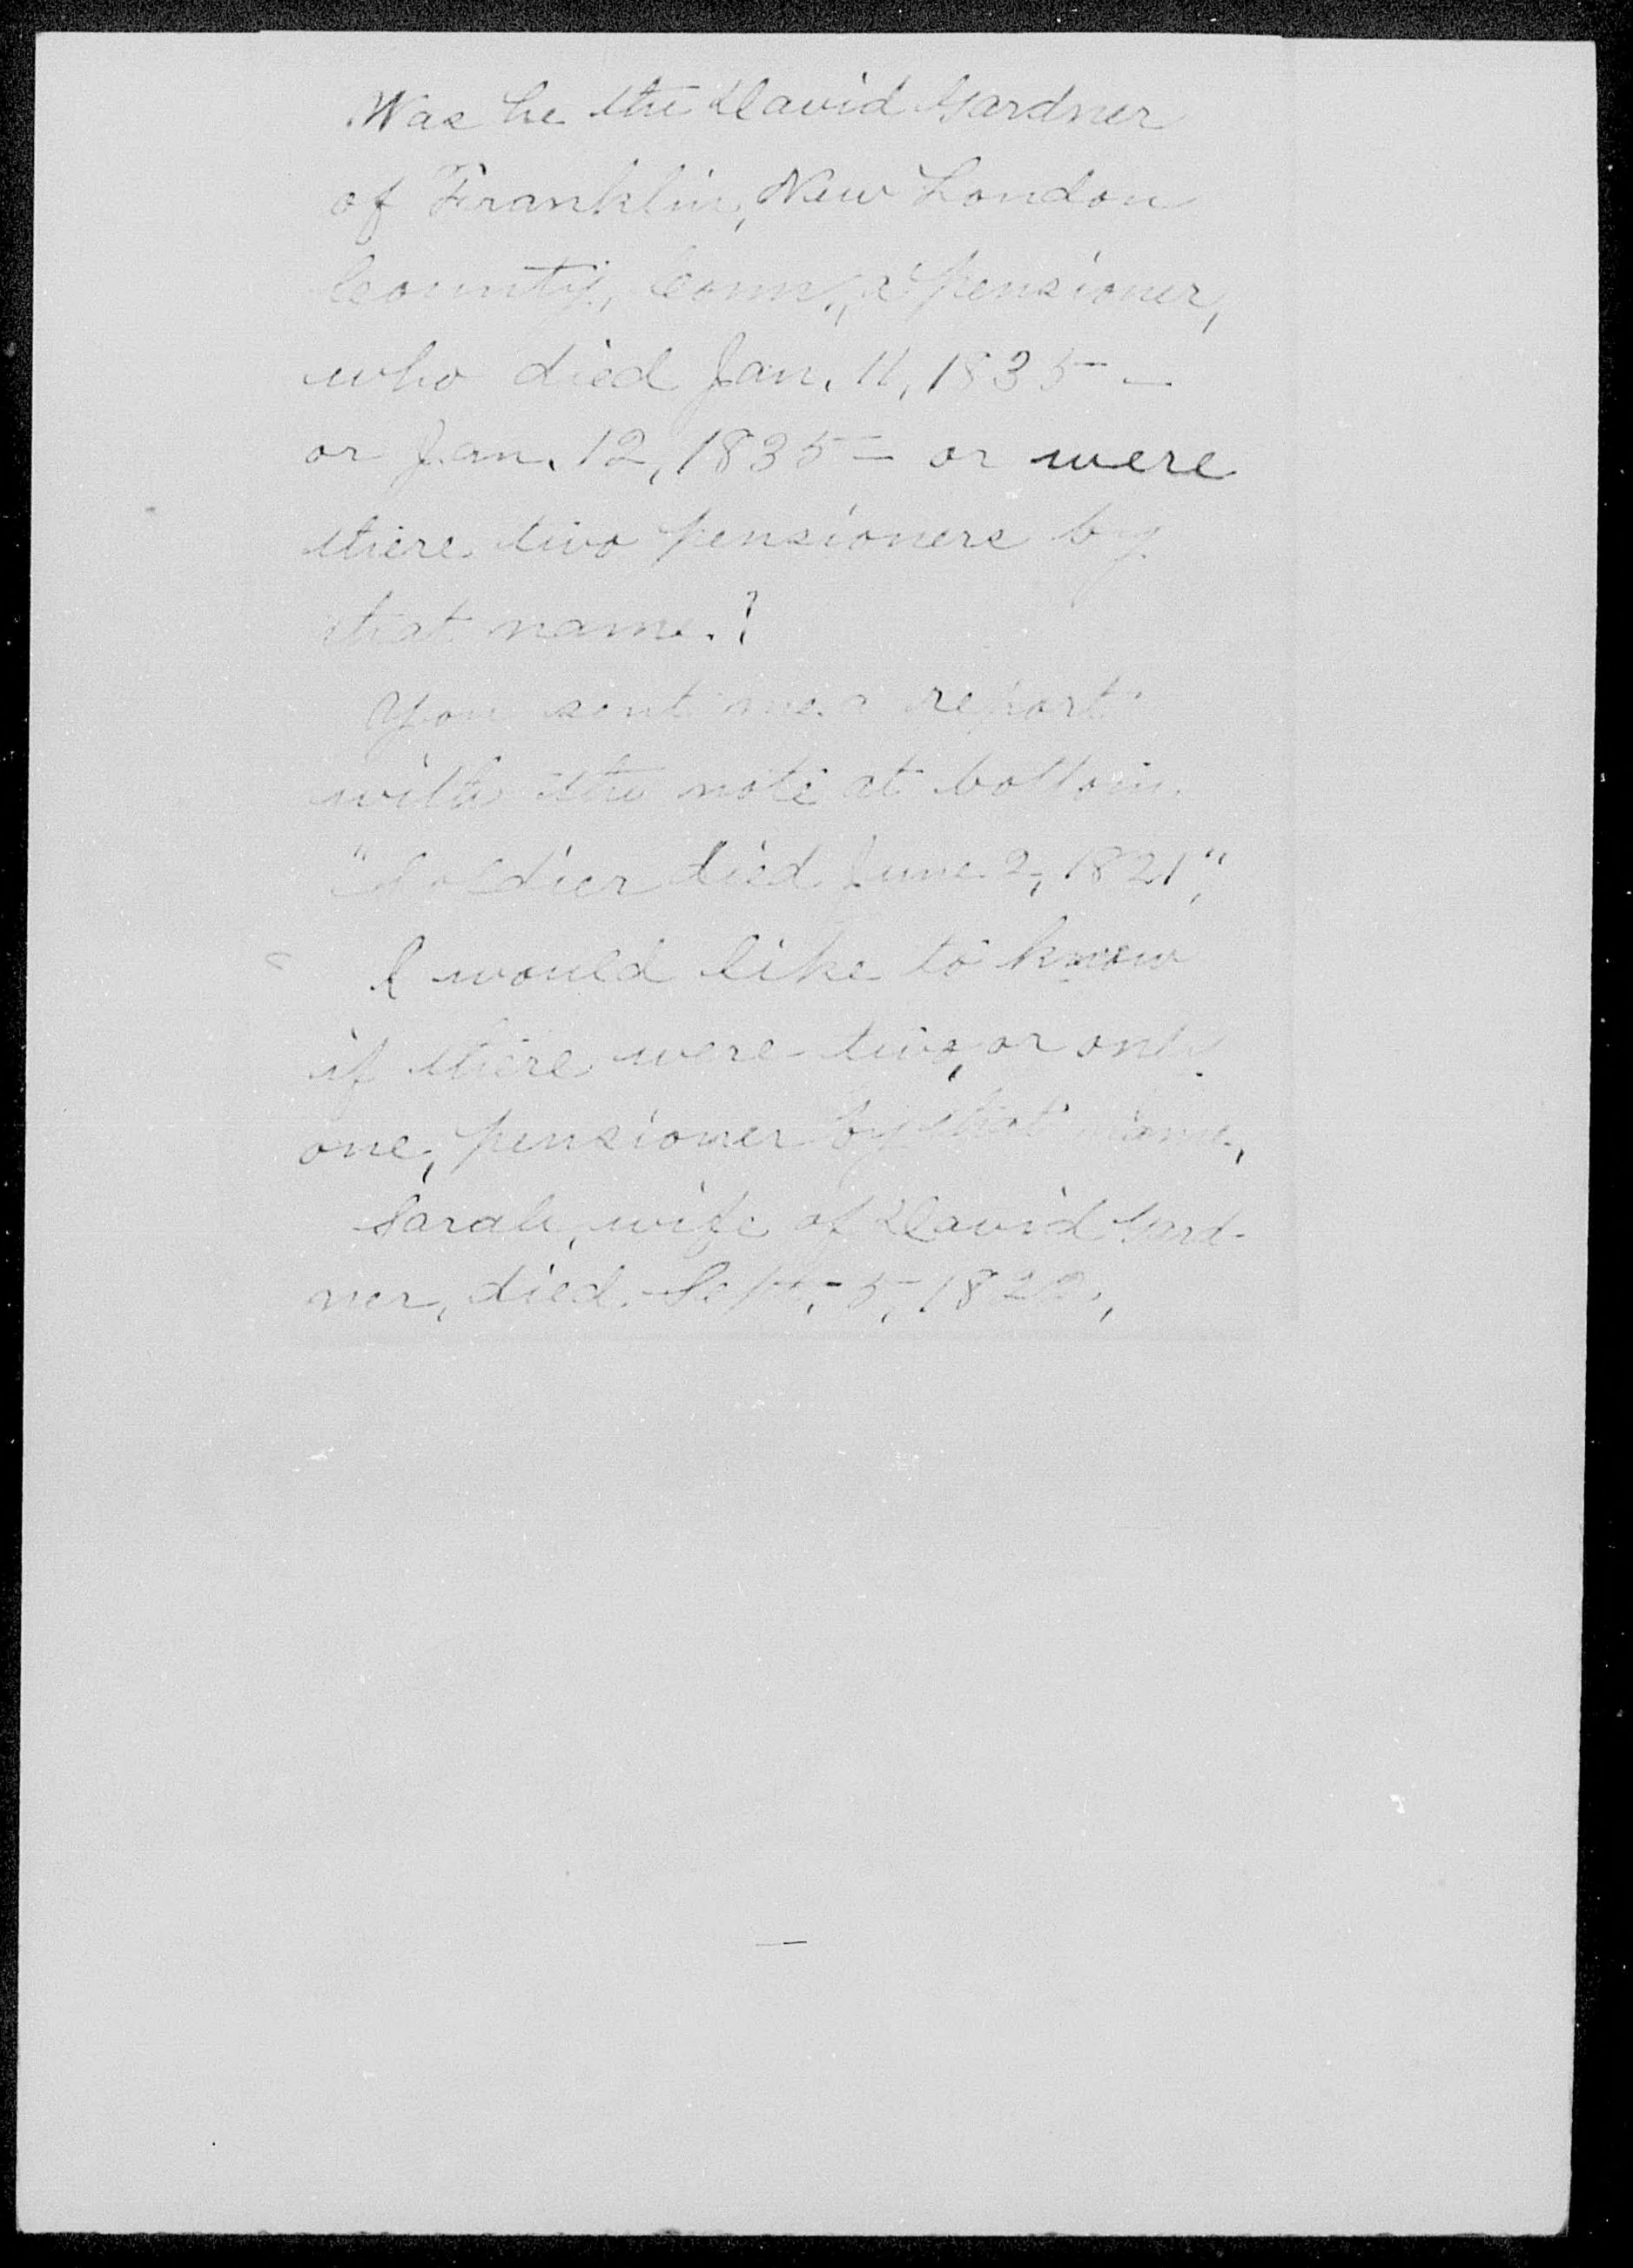was he the David Gardner of Franklin, New London County, Conn., a pensioner who died Jan. 1. 1835 - or Jan, 12, 1835 - or were
there two pensioners by that name?
You sent me a report with the note at bottom
"Soldier died June 2, 1821."
I would like to know if there were two or only
one, pensioner by that name.
Sarah, wife of David Gardner, died Sept. 5 1820.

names: Sarah, David Gardner, David Gardner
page: 35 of 66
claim: widow's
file: W 1850, David Gardner, Conn.